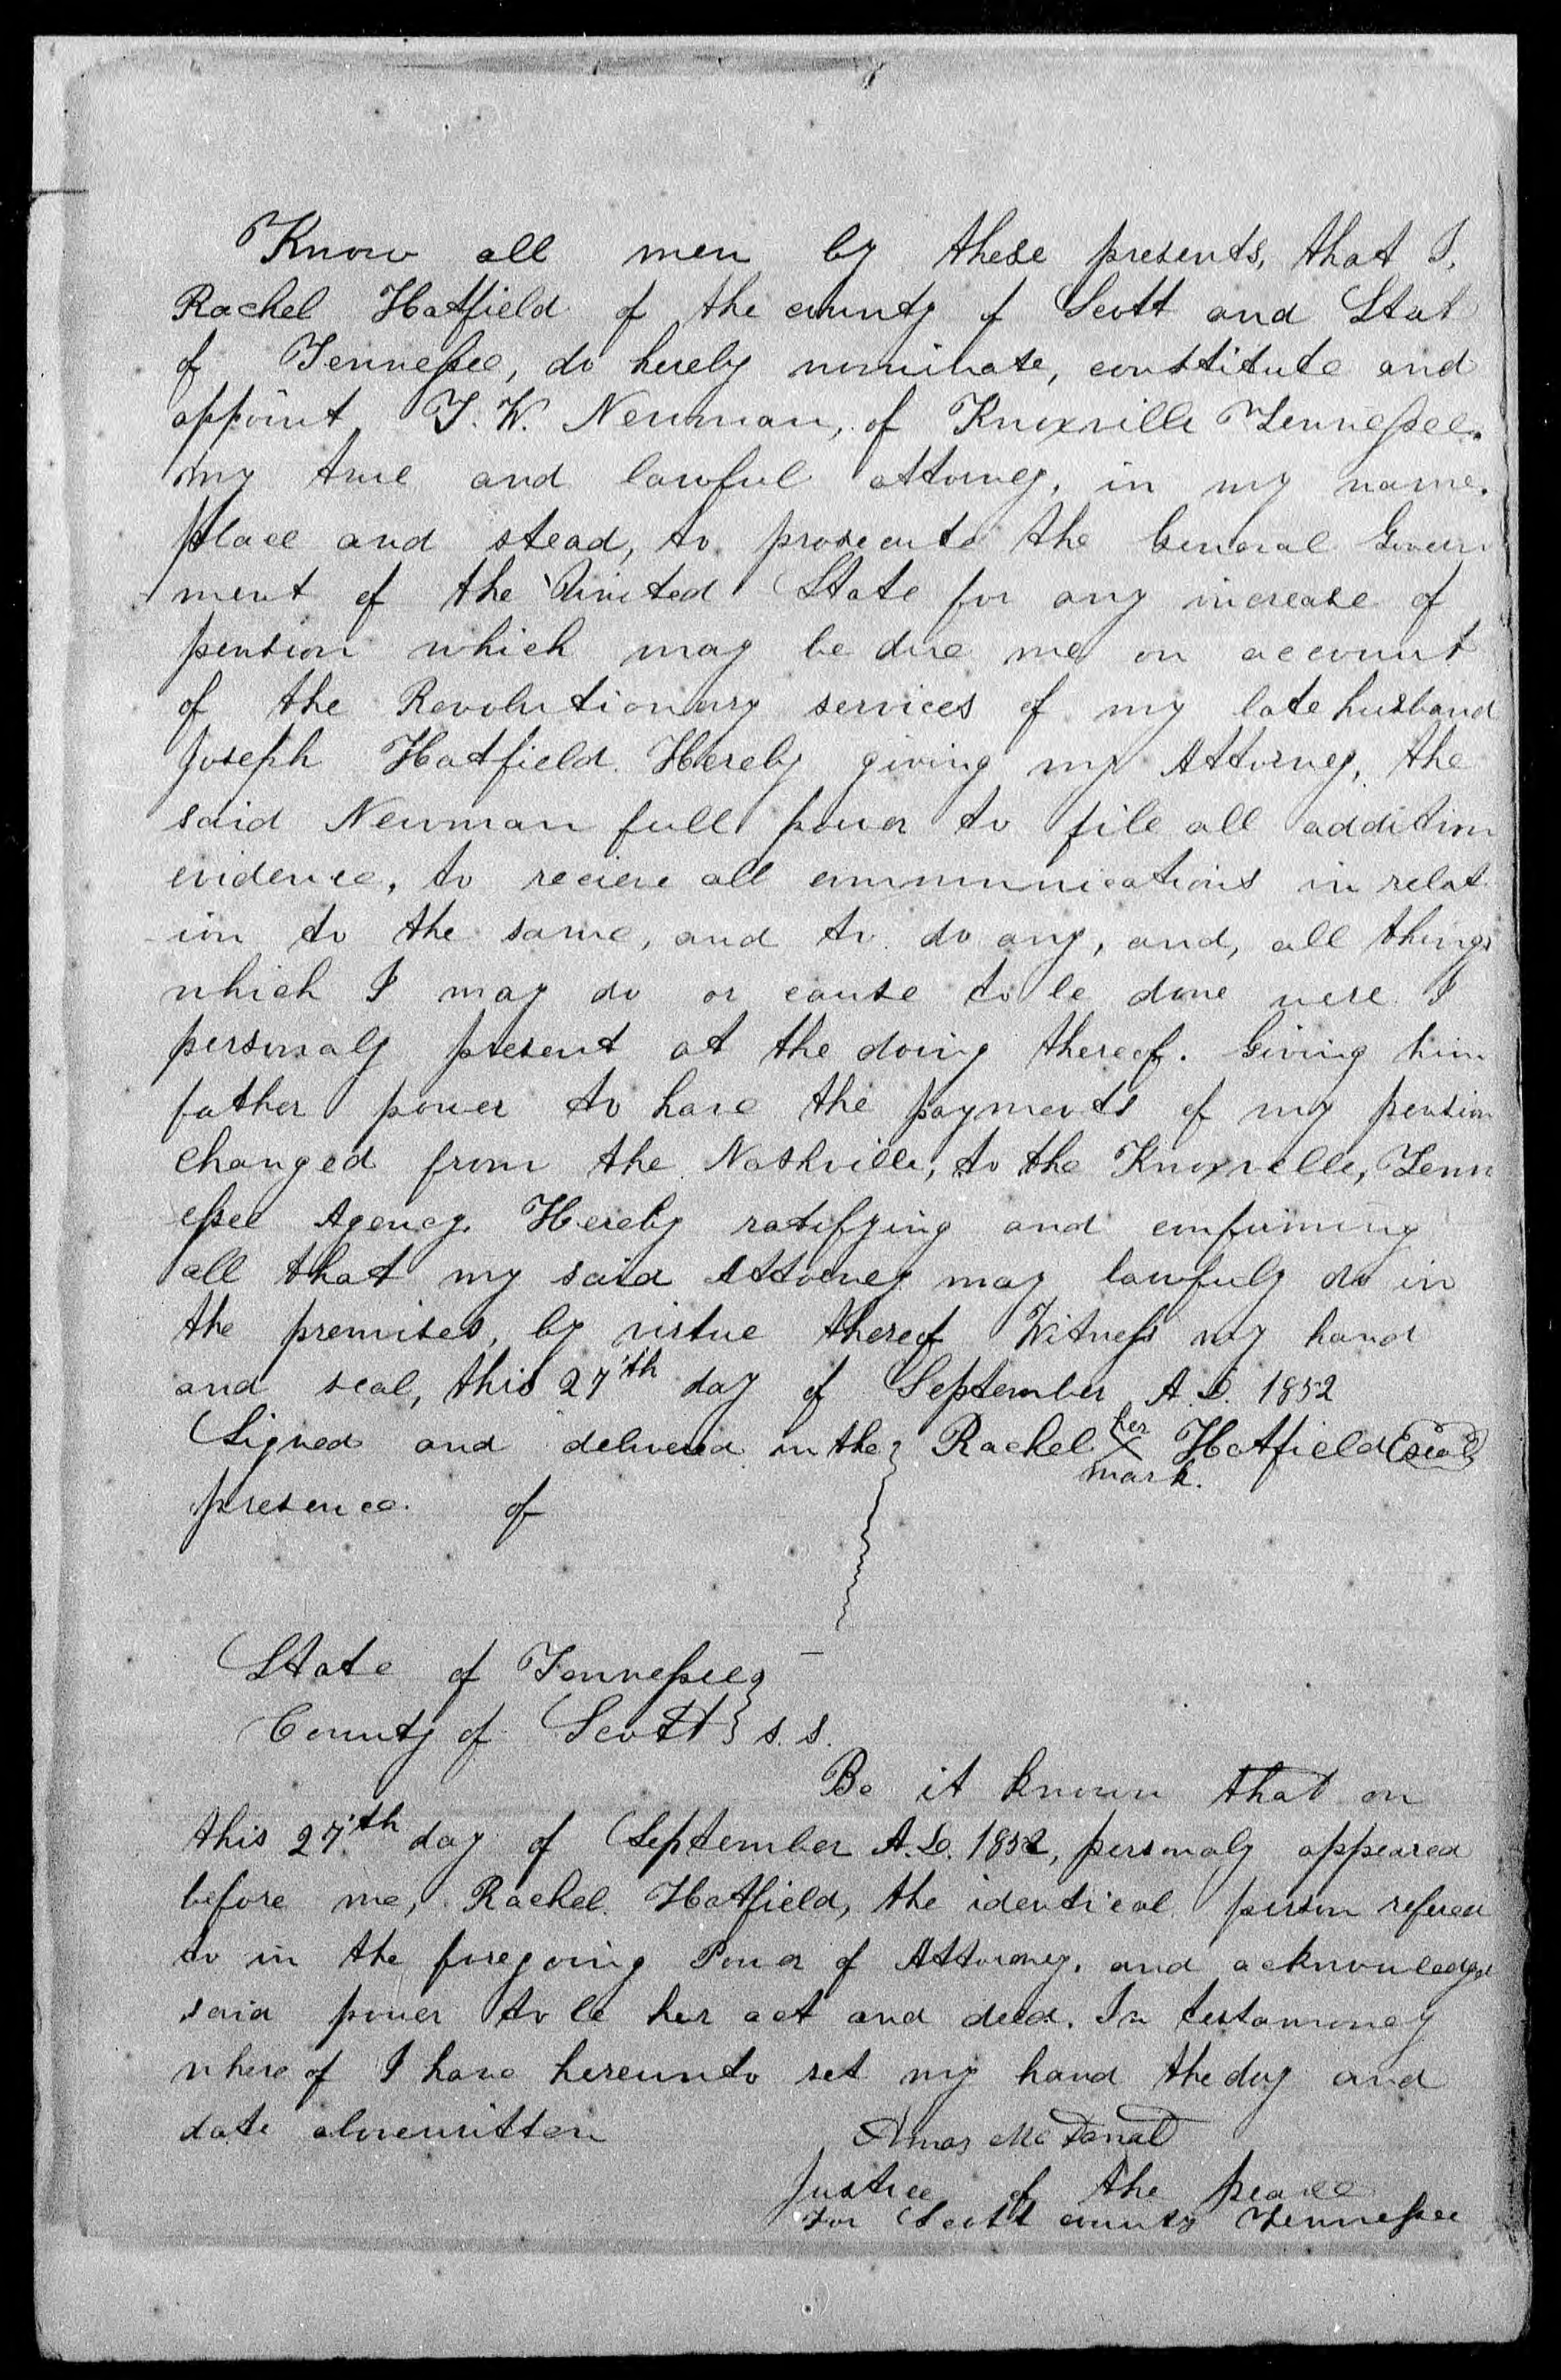Know all men by these presents, that I,
Rachel Hatfield of the county of Scott and State
of Tennessee, do hereby nominate, constitute and appoint T. W. Newman of Knoxville Tennessee my true and lawful Attorney, in my name, place and stead, to prosecute the General Government of the United States for any increase of pension which may be due me on account of the Revolutionary services of my late husband Joseph Hatfield Thereby giving my Attorney, the said Newman full power to file all additional evidence, to receive all communications in relation to the same, and to do any, and, all things which I may do or cause to be done were I personally present at the doing thereof. Giving him farther power to have the payments of my pension changed from the Nashville, to the Knoxville, Tennessee Agency. Hereby ratifying and confirming all that my said Attorney may lawfully do in the premises, by virtue thereof Witness my hand and seal, this 27th day of September A.D. 1852
Signed and delivered in the} Rachel Hatfield
presence of} x her mark

State of Tennessee
County of Scott} S.S.
Be it known that on
this 27th day of September A.D. 1852, personally appeared before me, Rachel Hatfield, the identical person referred to in the foregoing Power of Attorney, and acknowledged said power to be her act and deed, In testimony whereof I have hereunto set my hand the day and date above written
Amos McDonald
Justice of the Peace
for Scott County Tennessee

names: Newman, T W Newman, Rachel Hatfield, Rachel Hatfield, Rachel Hatfield, Joseph Hatfield, Amos Mc Donald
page: 58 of 74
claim: widow's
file: W. 5, Joseph Hatfield, Va.